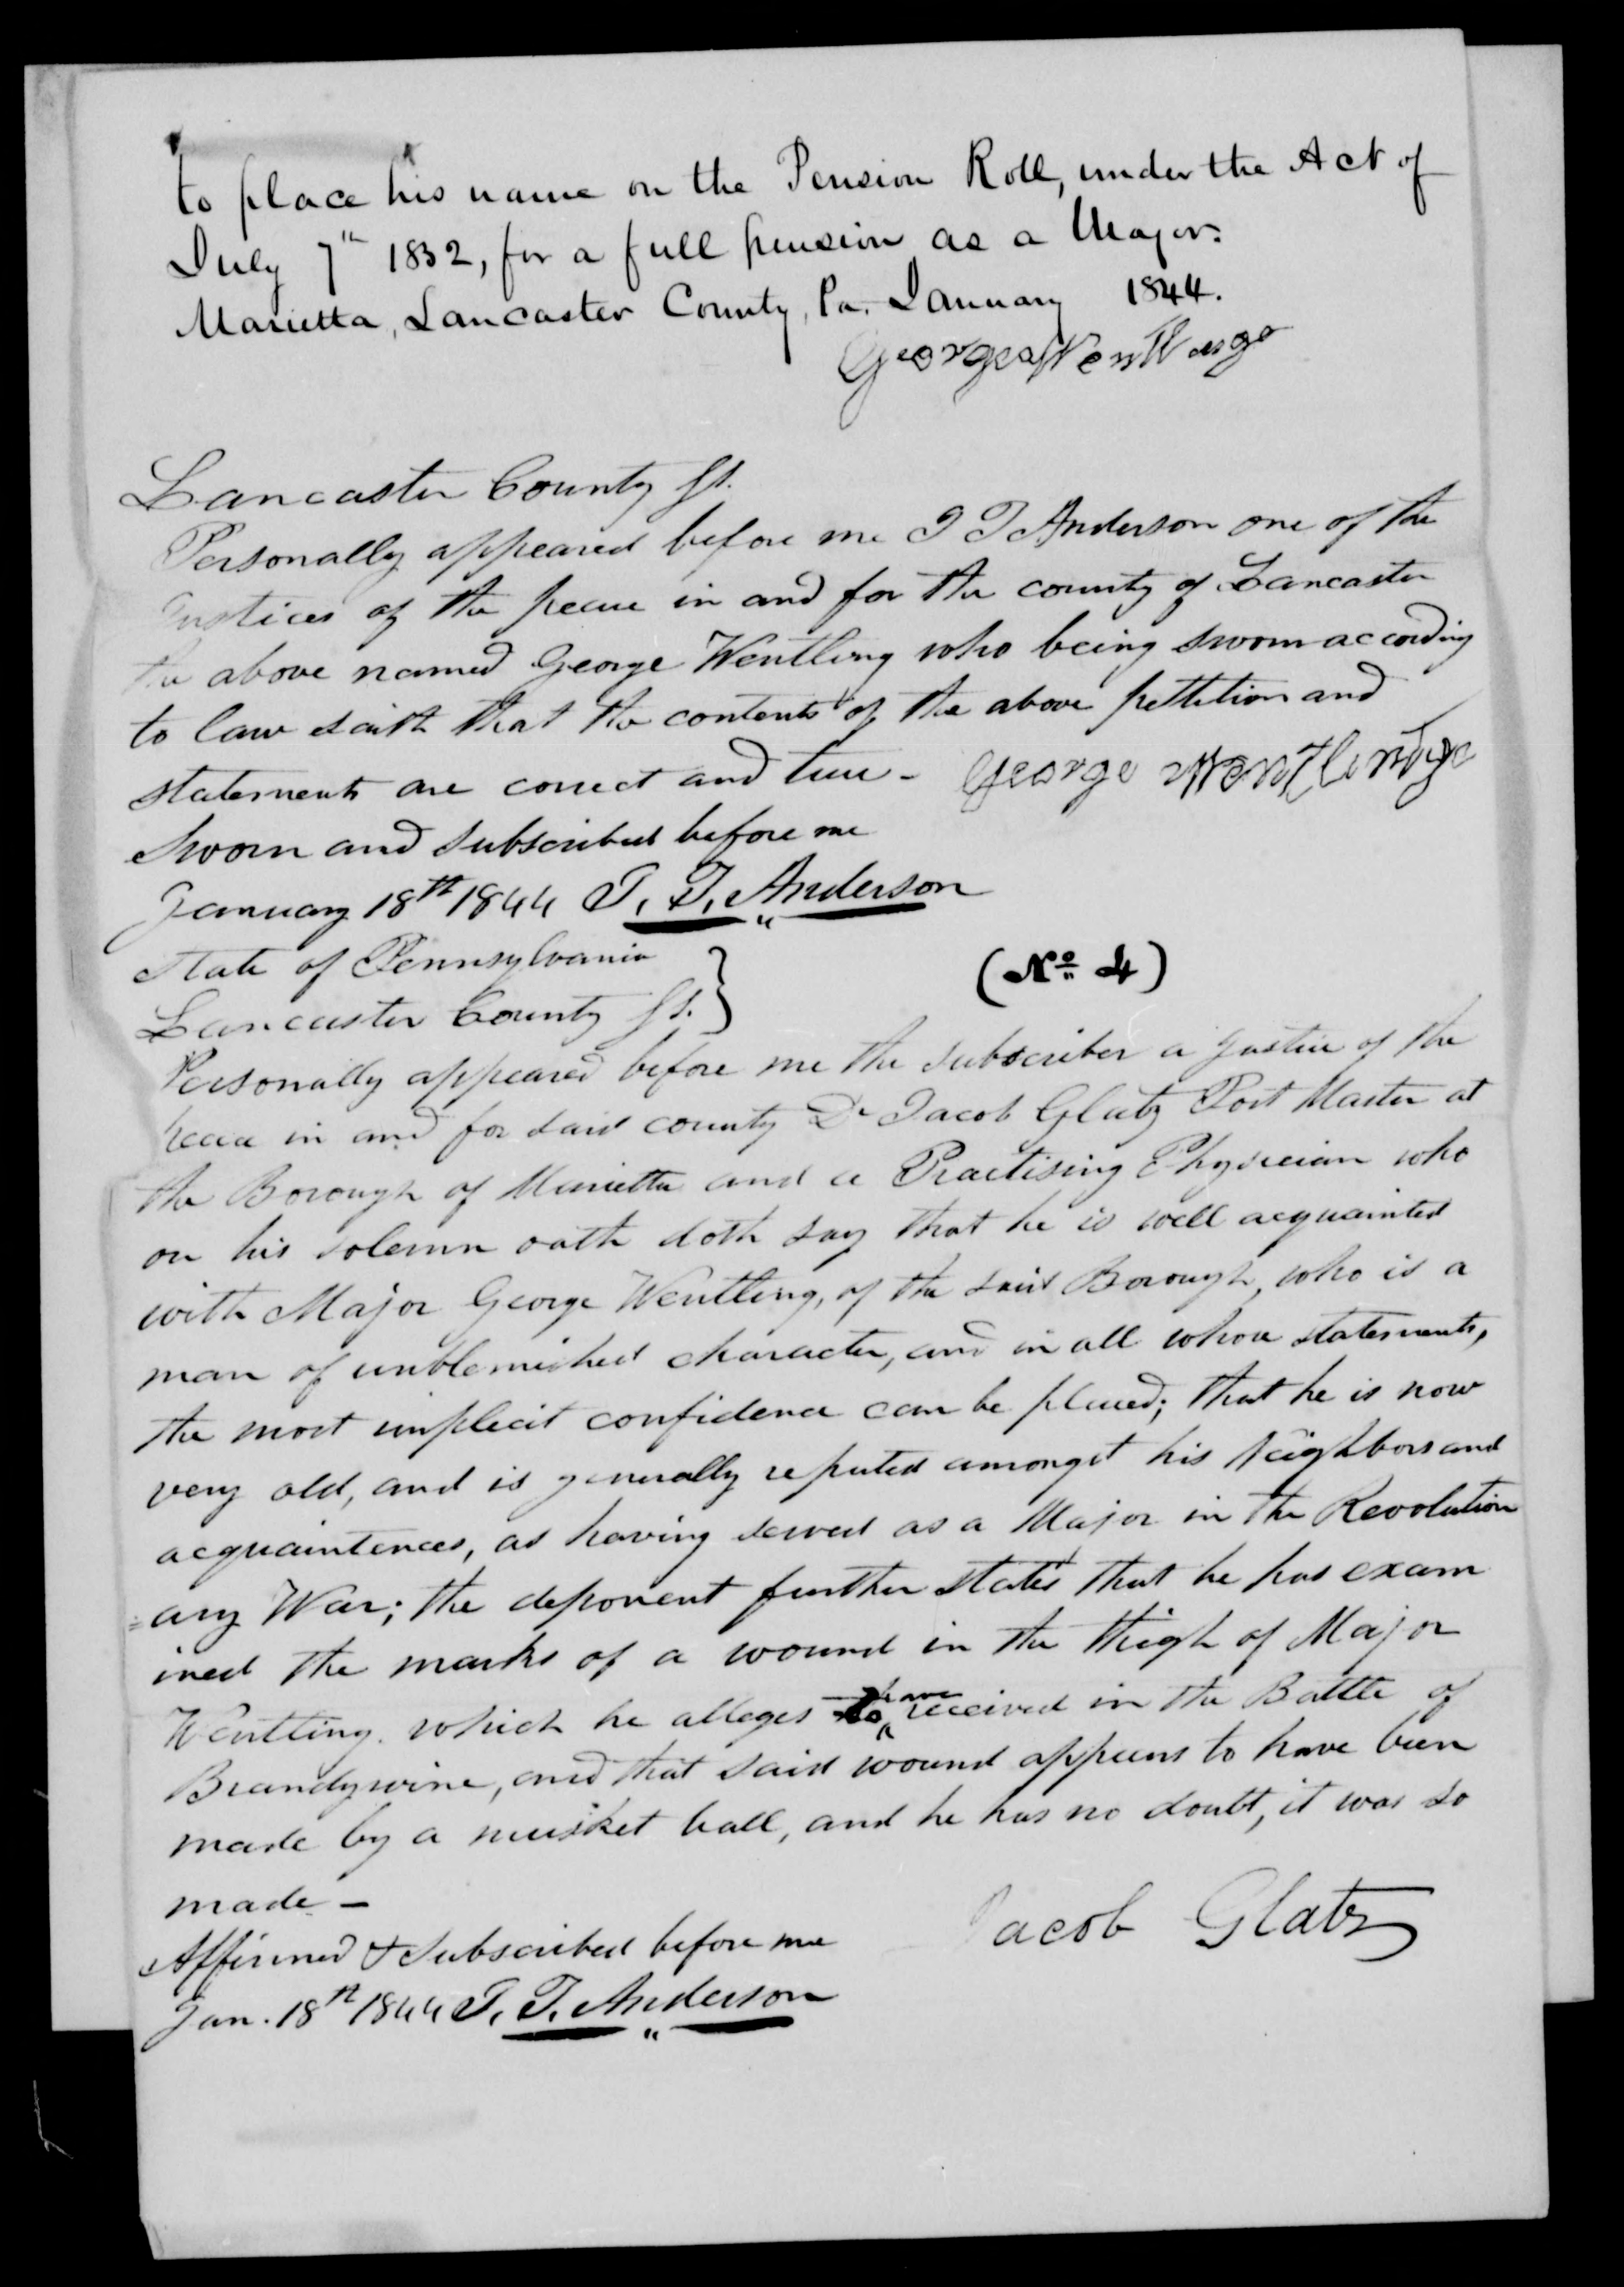to place his name on the Pension Roll, under the Act of
July 7th 1832, for a full pension as a Major.
Marietta, Lancaster County, Pa. January 1844.
George Wentling

Lancaster County ss.
Personally appeared before me J T Anderson one of the
Justices of the peace in and for the County of Lancaster
the above named George Wentling who being sworn according to law saith that the contents of the above petition and
statements are correct and true. George Wentling

Sworn and subscribed before me
January 18th 1844 J. T. Anderson

(No. 4)
State of Pennsylvania Lancaster County ss
Personally appeared before me the subscriber a Justice of the
in and for said County Dr Jacob Glatz Post Master at
the Borough of Marietta and a Practising Physician who
on his solemn oath doth say that he is well acquainted with
Major George Wentling, of the said Borough, who is a
man of unblemished character, and in all whose statements
the most implicit confidence can be placed; that he is now
very old, and is generally reputed amongst his neighbors and
acquaintances, as having served as a Major in the Revolutionary War; the deponent further states that he has examined the mark of a wound in the thigh of Major
Wentling which he alleges to have received in the Battle of
Brandywine, and that said wound appears to have been
made by a musket ball, and he has no doubt, it was so
made-
Jacob Glatz
Affirmed & Subscribed before me
Jan. 18th 1844 J. T. Anderson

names: Borough, George Wentling, J T Anderson, Jacob Glatz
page: 52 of 68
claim: survivor's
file: S. 6,358, George Wentling, Penn.